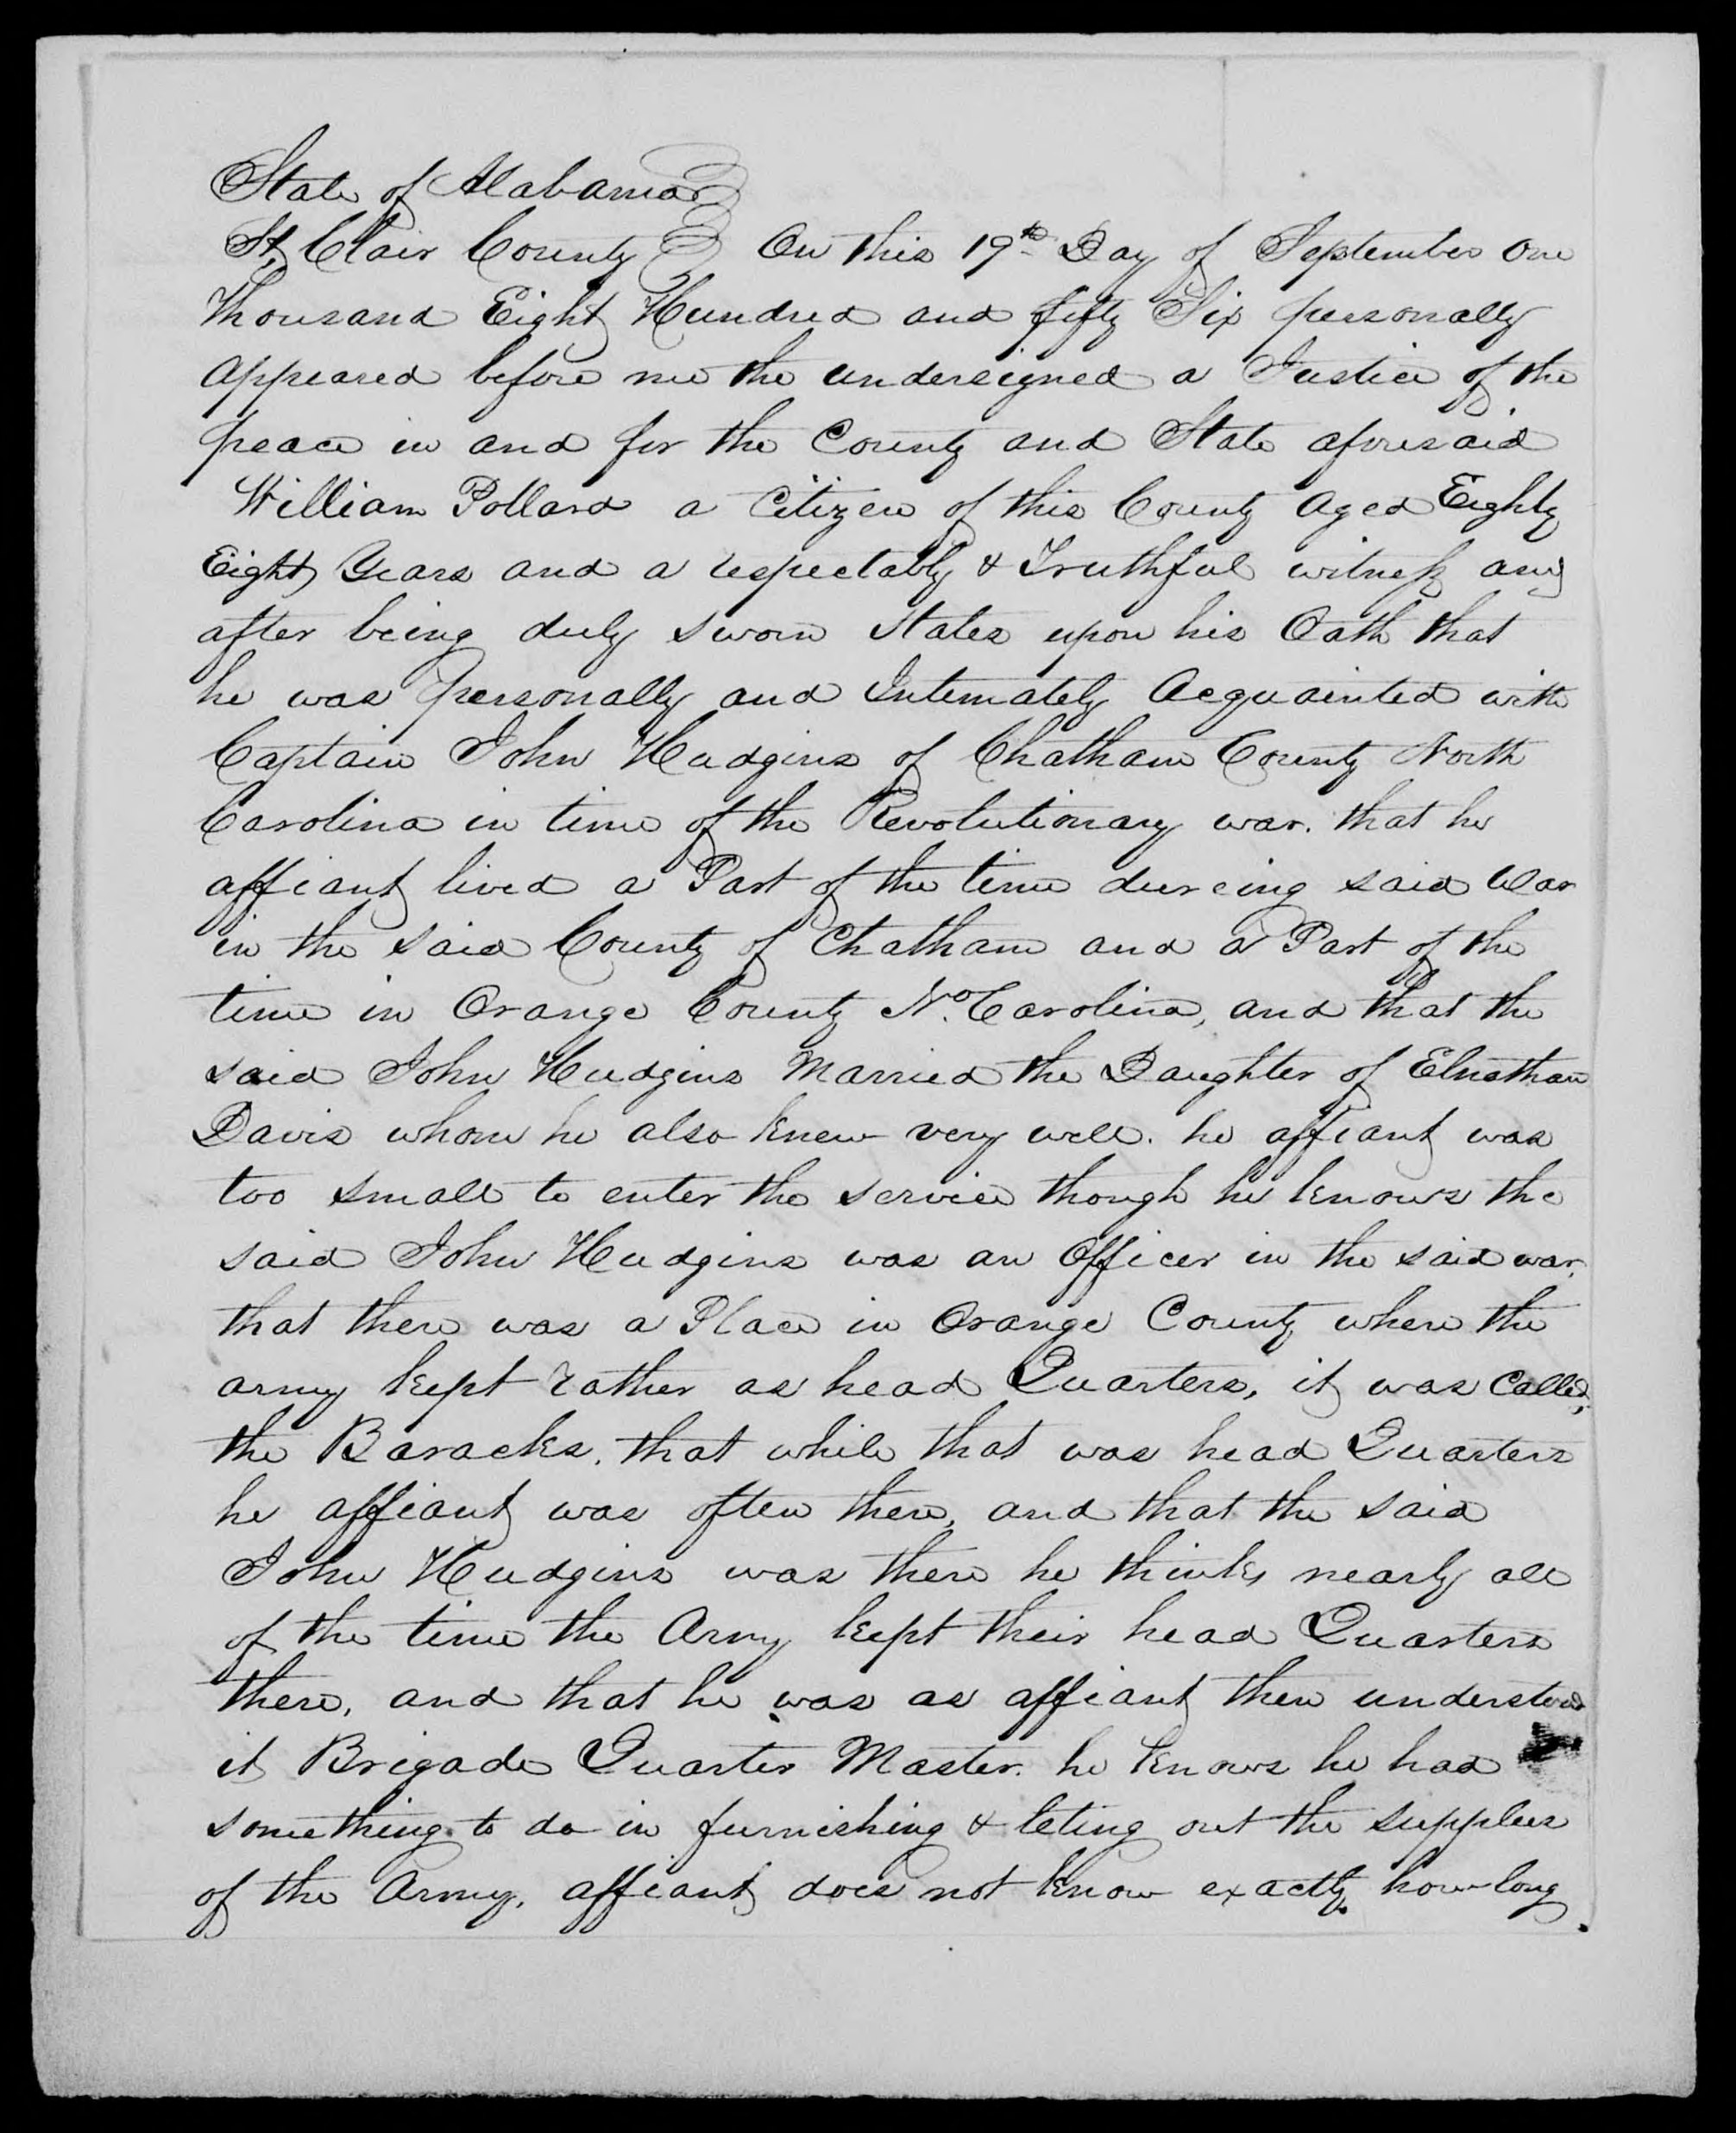State of Alabama
St. Clair County (squiggle line vertically on page) On this 19th Day of September one thousand Eight Hundred and fifty six personally appeared before me the undersigned a Justice of the Peace in and for the county and State aforesaid
William Pollard a citizen of this county aged eighty eight years and a respectable and truthful witness and after being duly sworn states upon his Oath that he was personally and intimately acquainted with Captain John Hudgins of Chatham County North Carolina in time of the Revolutionary war that the applicant lived a part of the time during said war in the said county of Chatham and a part of the time in Orange County South Carolina, and that the said John Hudgins married the daughter of Elnathan Davis whom he also knew very well. He (not legible)was too small to enter the service though he knows the said John Judgins was an officer in the said war that there was a place in Orange County where the army kept rather as head quarters, it was called the Baracks that while that was head quarters he (not legible) was often there and that the said John Hudgins was there he thinks nearly all of the time the Army kept there head quarters there and that he was an official then understood it Brigade Quarter Master he knows he had something to do in furnishing and letting out the supplies of the army. Applicant does not know exactly how long.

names: John Hudgins, Elnathan Davis, William Pollard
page: 31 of 108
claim: rejected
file: R. 7,515, John Hudgins, N.C.